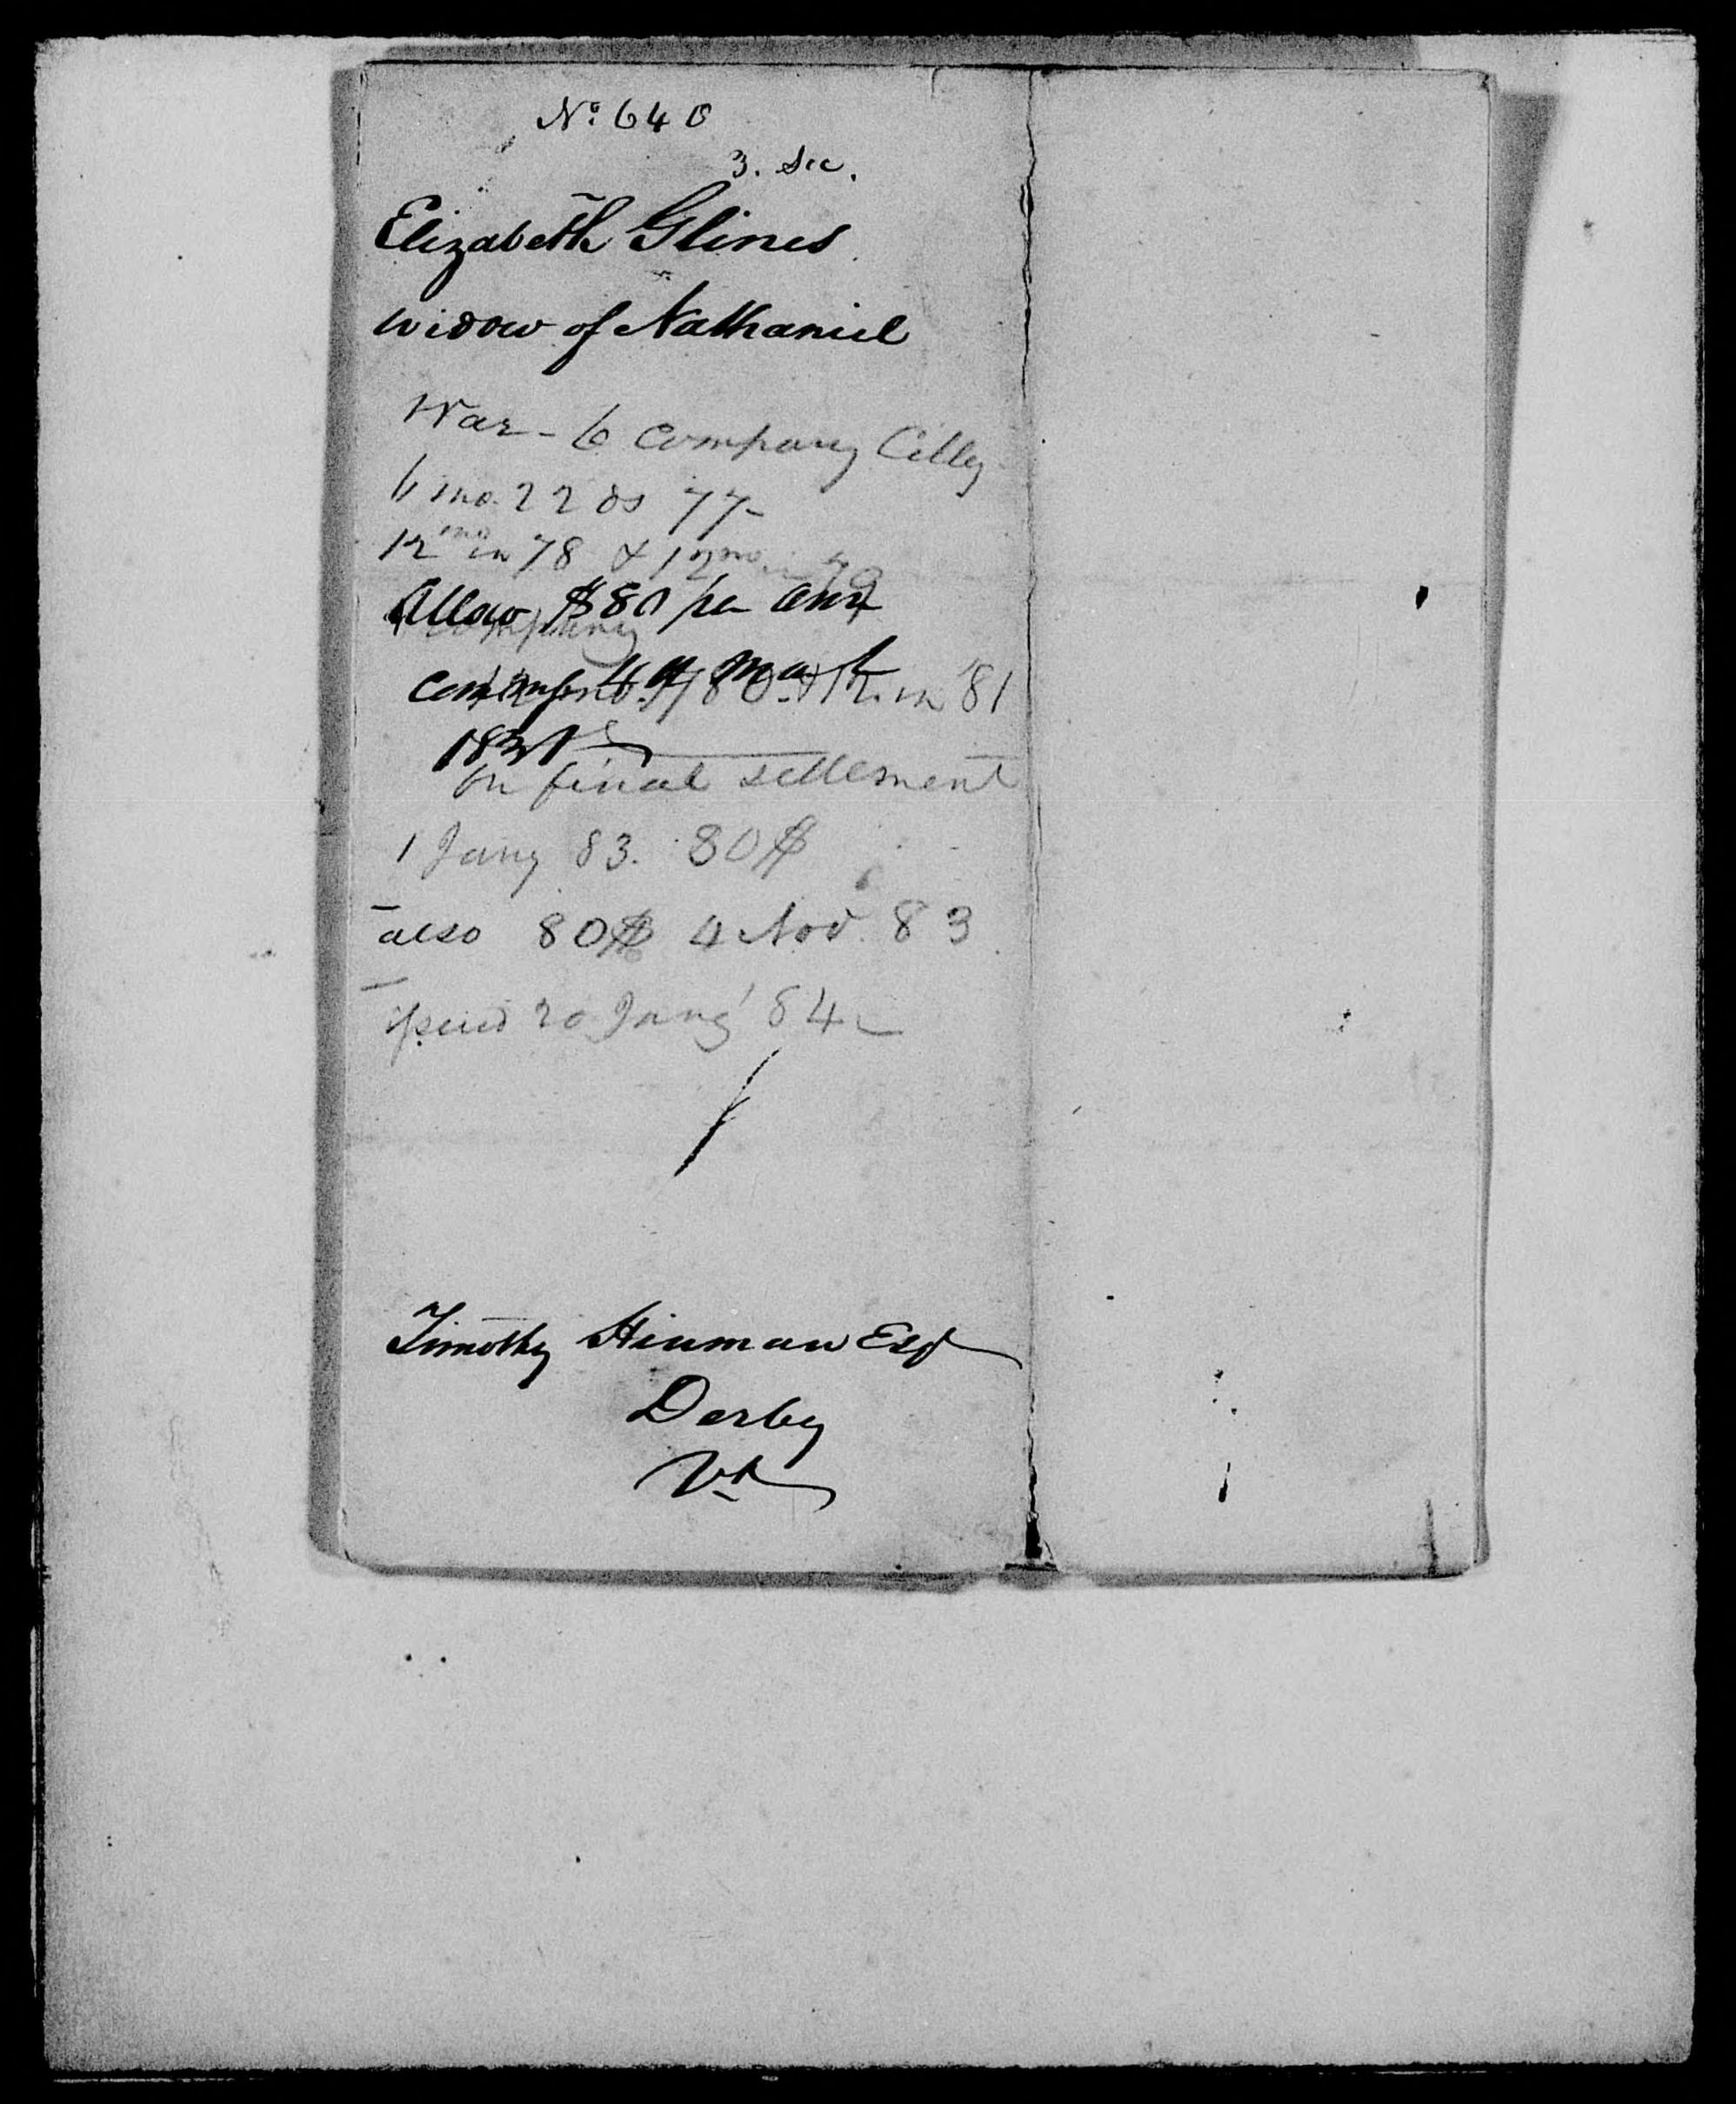No. 640
3 Sec.
Elizabeth Glines
widow of Nathaniel
War - 6 Company Cilley
6 mo. 22 ds. 77-
12 mo. in 78 & 12 mo. in 79
Allow $80 per ann.
[illegible] 4th March
1831
12 mo. in 80 & 12 mo. in 81
on final settlement
1 Jany 83 80$
also 80$ 4 Nov. 83
issued 20 Jany' '84
Timothy Hinman Esq.
Derby
Vt.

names: Elizabeth Glines, Timothy Hinman, Nathaniel Glines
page: 12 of 29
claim: widow's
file: W. 24,282, Nathaniel Glines, N.H.